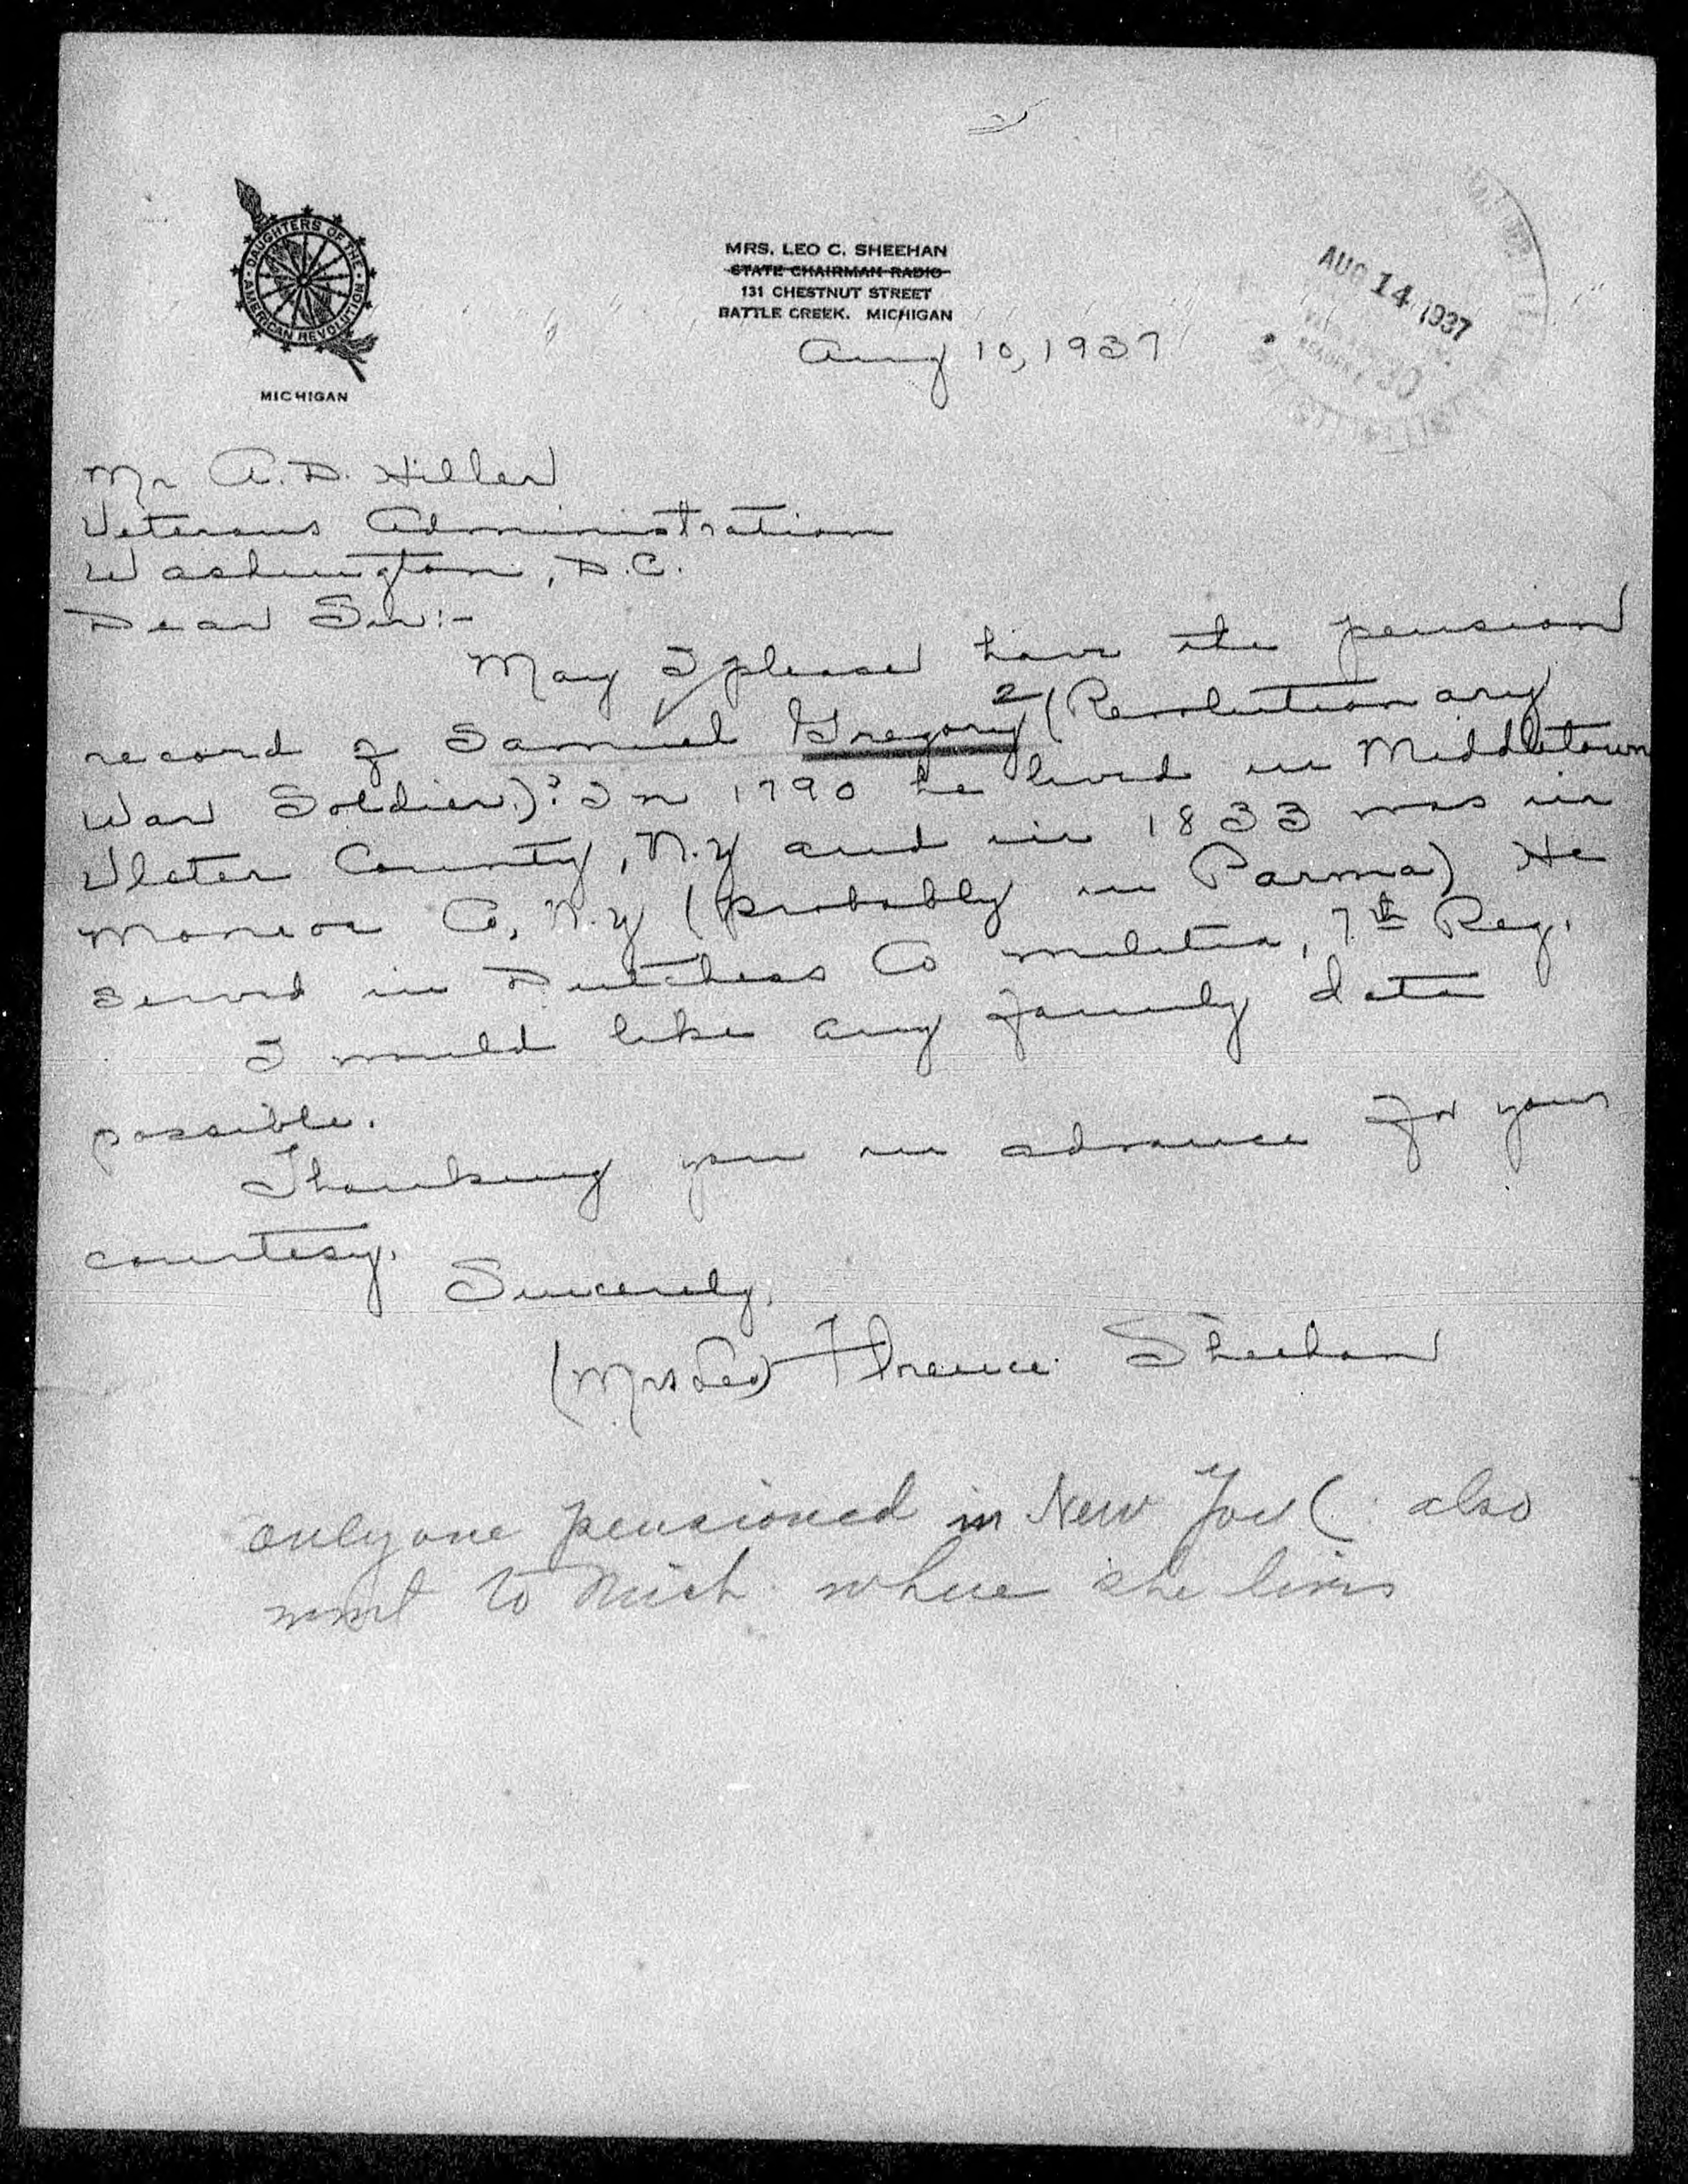Mrs. Leo C. Sheehan
131 Chestnut Street
Battle Creek, Michigan

Aug 10, 1930

Mr A.D. Hiller
Vererans Administration
Washington, D.C.


Dear Sir: -

May I please have the pension record of Samuel Gregory (Revolutionary War Soldier) in 1790 he lived in Middleton Ulster County, N.Y and in 1833 was in Monroe Co. NY (probably in Parma) He served in Dutchess Co militia, 7th Reg. I would like any family data possible.
Thanking you in advance for your courtesy.

Sincerely,

(Mrs Leo) Therese Sheehen

Only one pensioned in New York (also [illegible] where she lives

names: F Sheehan, A D Hiller, Leo C Sheehan, Samuel Gregory, Leo Sheehan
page: 28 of 66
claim: rejected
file: R. 4298, Samuel Gregory, New York